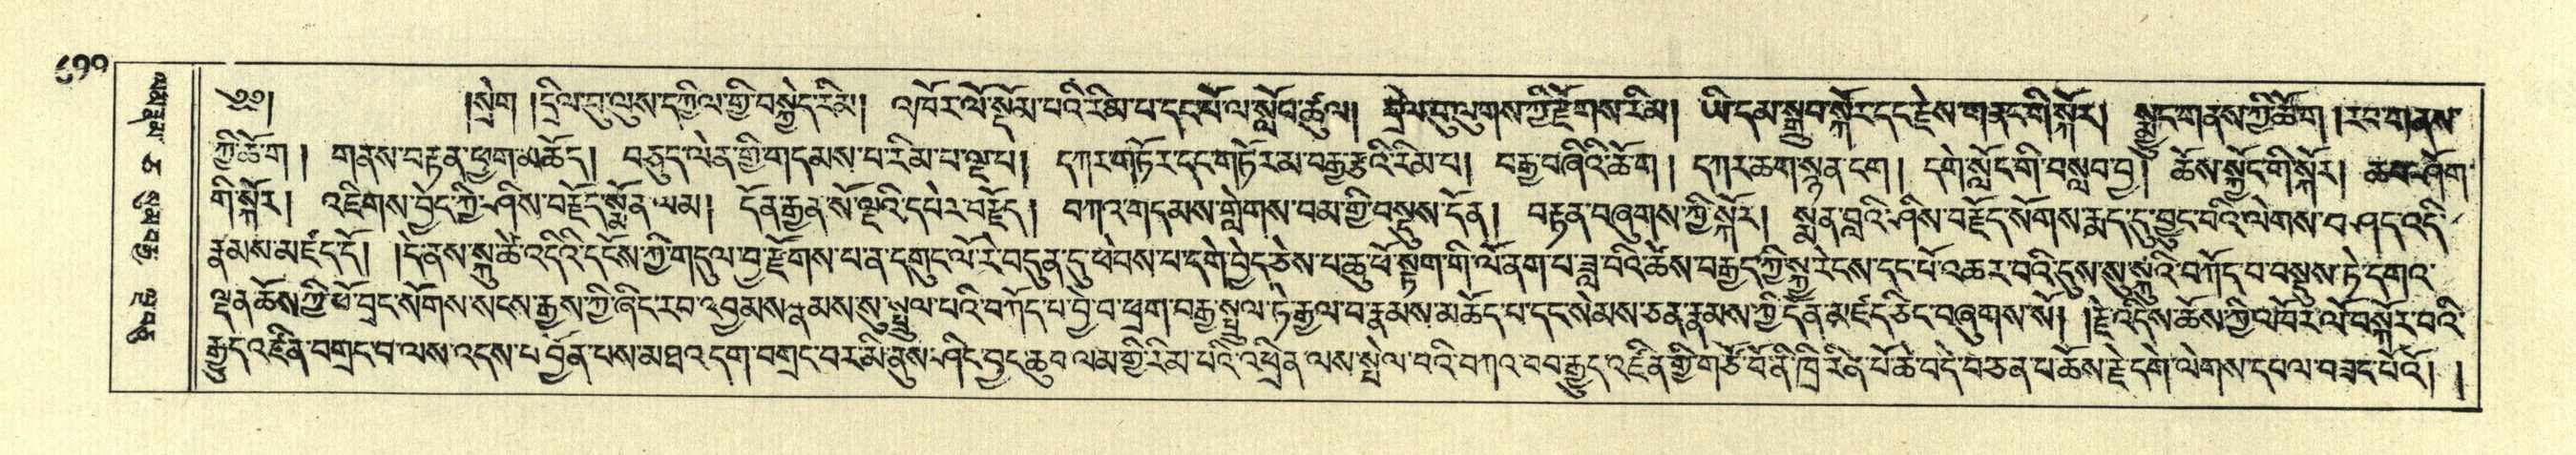༄༅། །སྲེག །དྲིལ་བུ་ལུས་དཀྱིལ་གྱི་བསྐྱེད་རིམ། འཁོར་ལོ་སྡོམ་པའི་རིམ་པ་དང་པོ་ལ་སློབ་ཚུལ། དྲིལ་བུ་ལུགས་ཀྱི་རྫོགས་རིམ། ཡི་དམ་སྒྲུབ་སྐོར་དང་རྗེས་གནང་གི་སྐོར། སྨྱུང་གནས་ཀྱི་ཆོ་ག །རབ་གནས་
ཀྱི་ཆོ་ག། གནས་བརྟན་ཕྱག་མཆོད། བཅུད་ལེན་གྱི་གདམས་པ་རིམ་པ་ལྔ་པ། དཀར་གཏོར་དང་གཏོར་མ་བརྒྱ་རྩའི་རིམ་པ། བརྒྱ་བཞིའི་ཆོ་ག། དཀར་ཆག་སྙན་ངག། དགེ་སློང་གི་བསླབ་བྱ། ཆོས་སྐྱོང་གི་སྐོར། ཆབ་ཤོག་
གི་སྐོར། འཇིགས་བྱེད་ཀྱི་ཤིས་བརྗོད་སྨོན་ལམ། དོན་རྒྱན་སོ་ལྔའི་དཔེར་བརྗོད། བཀའ་གདམས་གླེགས་བམ་གྱི་བསྡུས་དོན། བརྟན་བཞུགས་ཀྱི་སྐོར། སྨན་བླའི་ཤིས་བརྗོད་སོགས་རྨད་དུ་བྱུང་བའི་ལེགས་བཤད་འདི་
རྣམས་མཛད་དོ། །དེ་ནས་སྐུ་ཚེ་འདིའི་དངོས་ཀྱི་གདུལ་བྱ་རྫོགས་པ་ན་དགུང་ལོ་རེ་བདུན་དུ་ཕེབས་པ་དགེ་བྱེད་ཅེས་པ་ཆུ་ཕོ་སྟག་གི་ལོ་ནག་པ་ཟླ་བའི་ཚེས་བརྒྱད་ཀྱི་སྐྱ་རེངས་དང་པོ་འཆར་བའི་དུས་སུ་སྐུའི་བཀོད་པ་བསྡུས་ཏེ་དགའ་
ལྡན་ཆོས་ཀྱི་ཕོ་བྲང་སོགས་སངས་རྒྱས་ཀྱི་ཞིང་རབ་འབྱམས་རྣམས་སུ་སྤྲུལ་པའི་བཀོད་པ་བྱེ་བ་ཕྲག་བརྒྱ་སྤྲུལ་ཏེ་རྒྱལ་བ་རྣམས་མཆོད་པ་དང་སེམས་ཅན་རྣམས་ཀྱི་དོན་མཛད་ཅིང་བཞུགས་སོ། །རྗེ་འདིས་ཆོས་ཀྱི་འཁོར་ལོ་བསྐོར་བའི་
རྒྱུད་འཛིན་བགྲང་བ་ལས་འདས་པ་བྱོན་པས་མཐའ་དག་བགྲང་བར་མི་ནུས་ཤིང་བྱང་ཆུབ་ལམ་གྱི་རིམ་པའི་འཕྲིན་ལས་སྤེལ་བའི་བཀའ་བབ་རྒྱུད་འཛིན་གྱི་གཙོ་བོ་ནི་ཁྲི་རིན་པོ་ཆེ་བདེ་བ་ཅན་པ་ཆོས་རྗེ་དགེ་ལེགས་དཔལ་བཟང་པོའོ། །